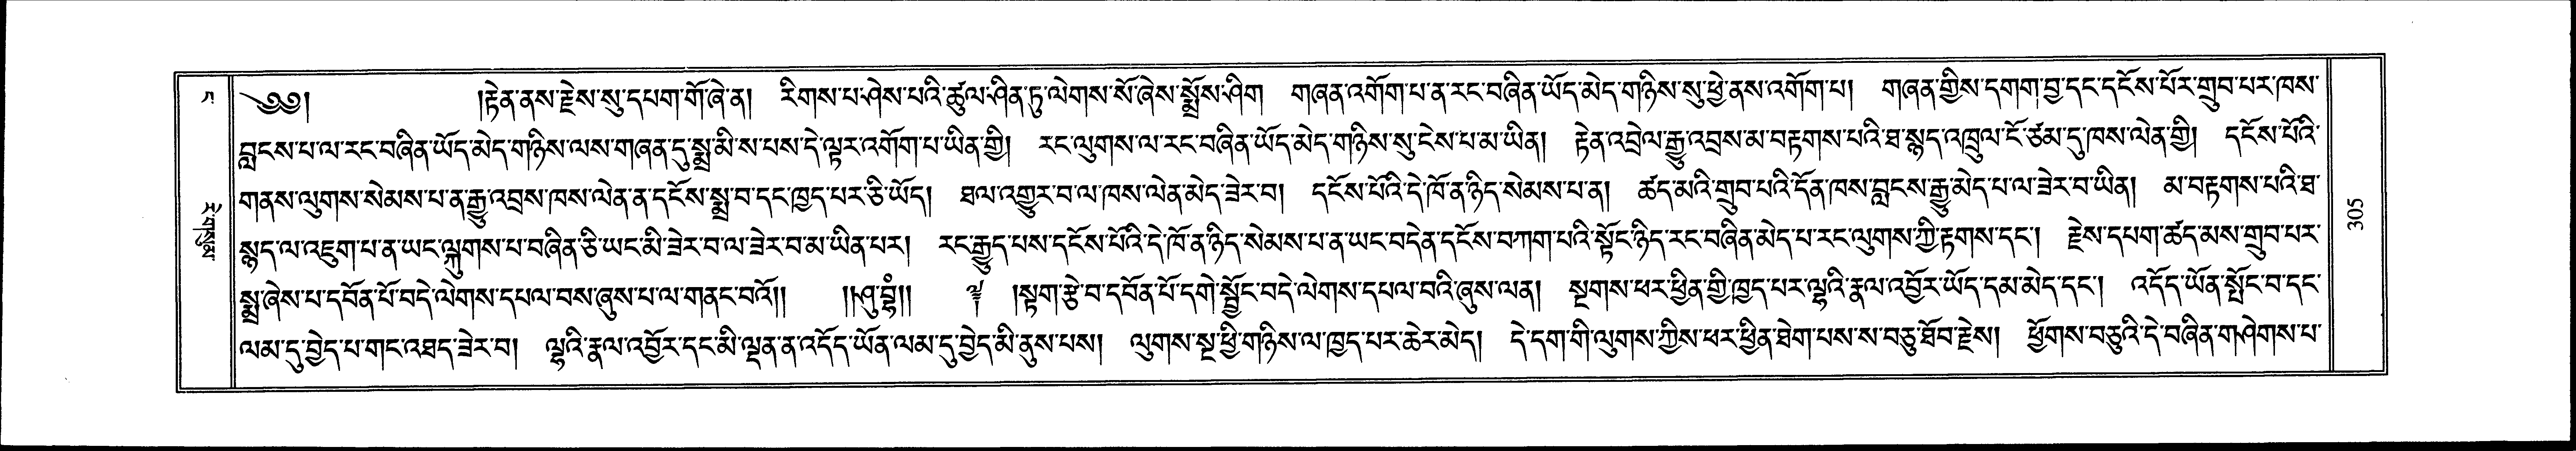༄༅། །རྟེན་ནས་རྗེས་སུ་དཔག་གོ་ཞེ་ན། རིགས་པ་ཤེས་པའི་ཚུལ་ཤིན་ཏུ་ལེགས་སོ་ཞེས་སྨྲོས་ཤིག་གཞན་འགོག་པ་ན་རང་བཞིན་ཡོད་མེད་གཉིས་སུ་ཕྱེ་ནས་འགོག་པ། གཞན་གྱིས་དགག་བྱ་དང་དངོས་པོར་གྲུབ་པར་ཁས་
བླངས་པ་ལ་རང་བཞིན་ཡོད་མེད་གཉིས་ལས་གཞན་དུ་སྨྲ་མི་ས་པས་དེ་ལྟར་འགོག་པ་ཡིན་གྱི། རང་ལུགས་ལ་རང་བཞིན་ཡོད་མེད་གཉིས་སུ་ངེས་པ་མ་ཡིན། རྟེན་འབྲེལ་རྒྱུ་འབྲས་མ་བརྟགས་པའི་ཐ་སྙད་འཁྲུལ་ངོ་ཙམ་དུ་ཁས་ལེན་གྱི། དངོས་པོའི་
གནས་ལུགས་སེམས་པ་ན་རྒྱུ་འབྲས་ཁས་ལེན་ན་དངོས་སྨྲ་བ་དང་ཁྱད་པར་ཅི་ཡོད། ཐལ་འགྱུར་བ་ལ་ཁས་ལེན་མེད་ཟེར་བ། དངོས་པོའི་དེ་ཁོ་ན་ཉིད་སེམས་པ་ན། ཚད་མའི་གྲུབ་པའི་དོན་ཁས་བླངས་རྒྱུ་མེད་པ་ལ་ཟེར་བ་ཡིན། མ་བརྟགས་པའི་ཐ་
སྙད་ལ་འཇུག་པ་ན་ཡང་ལྐུགས་པ་བཞིན་ཅི་ཡང་མི་ཟེར་བ་ལ་ཟེར་བ་མ་ཡིན་པར། རང་རྒྱུད་པས་དངོས་པོའི་དེ་ཁོ་ན་ཉིད་སེམས་པ་ན་ཡང་བདེན་དངོས་བཀག་པའི་སྟོང་ཉིད་རང་བཞིན་མེད་པ་རང་ལུགས་ཀྱི་རྟགས་དང་། རྗེས་དཔག་ཚད་མས་གྲུབ་པར་
སྨྲ་ཞེས་པ་དབོན་པོ་བདེ་ལེགས་དཔལ་བས་ཞུས་པ་ལ་གནང་བའོ།། །།ཤུ་བྷཾ།། ༈ །སྟག་རྩེ་བ་དབོན་བོ་དགེ་སྦྱོང་བདེ་ལེགས་དཔལ་བའི་ཞུས་ལན། སྔགས་ཕར་ཕྱིན་གྱི་ཁྱད་པར་ལྷའི་རྣལ་འབྱོར་ཡོད་དམ་མེད་དང་། འདོད་ཡོན་སྤོང་བ་དང་
ལམ་དུ་བྱེད་པ་གང་འཐད་ཟེར་བ། ལྷའི་རྣལ་འབྱོར་དང་མི་ལྡན་ན་འདོད་ཡོན་ལམ་དུ་བྱེད་མི་ནུས་པས། ལུགས་སྔ་ཕྱི་གཉིས་ལ་ཁྱད་པར་ཆེར་མེད། དེ་དག་གི་ལུགས་ཀྱིས་ཕར་ཕྱིན་ཐེག་པས་ས་བཅུ་ཐོབ་རྗེས། ཕྱོགས་བཅུའི་དེ་བཞིན་གཤེགས་པ་